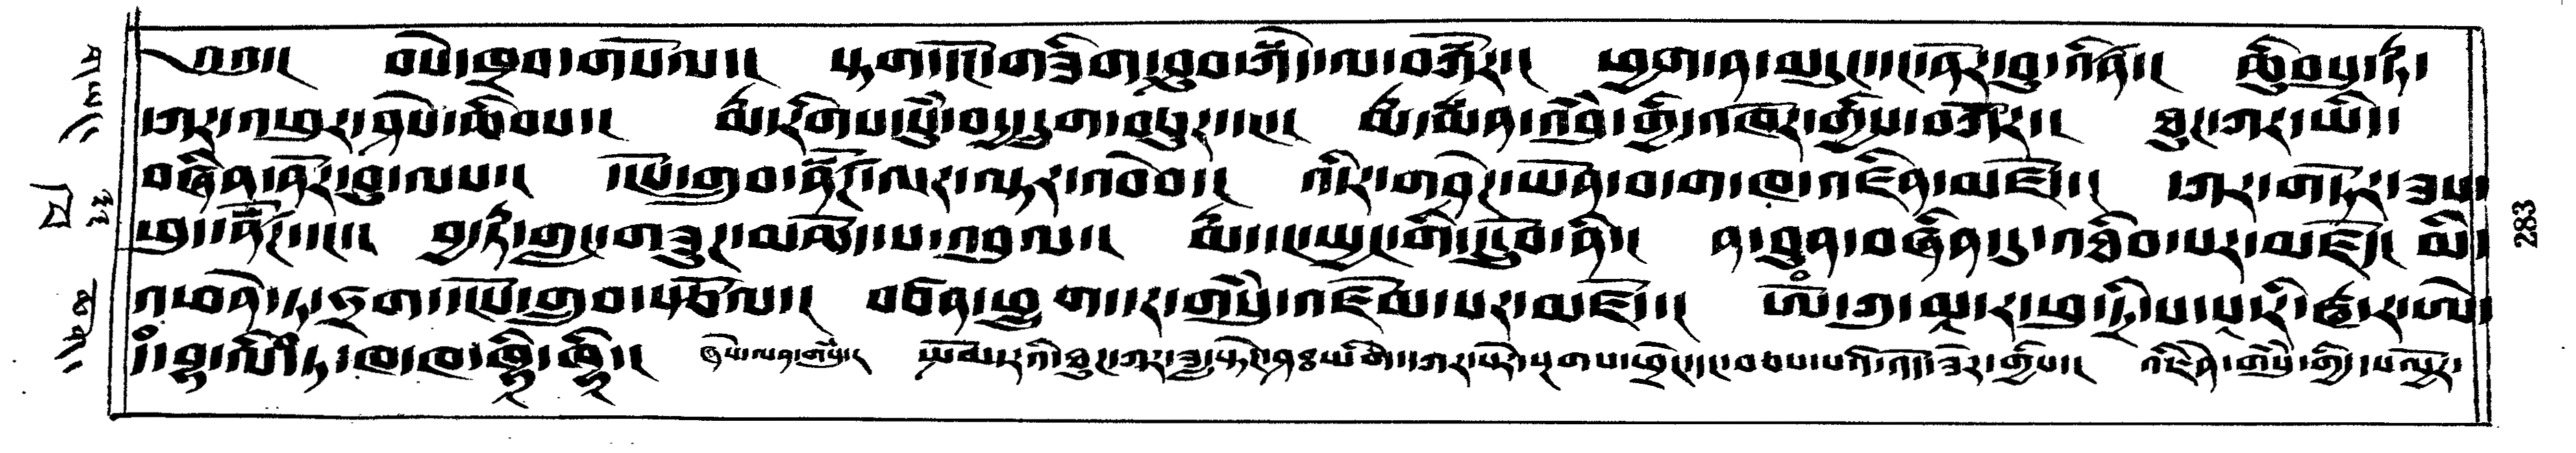བསེ་ཁྲབ་གསོལ། །སྟག་དོང་གཟིག་ཤུབ་སྐེད་ལ་བསྐོར། །ཕྱག་ན་མདུང་དང་ནོར་བུ་འཛིན། །ཆིབས་སུ་རྟ་
དཀར་འཕུར་ཤེས་ཆིབས། །རྨ་རིགས་སུམ་བརྒྱ་དྲུག་བཅུ་དང་། །རྨ་སྨན་འབུམ་གྱི་འཁོར་གྱིས་བསྐོར། །ཐུགས་ཀར་ཡིད་
བཞིན་ནོར་བུ་ལས། །དངོས་གྲུབ་སྣ་ཚོགས་ཆར་ལྟར་འབེབས། །འདིར་གཤེགས་ཡོན་བདག་ཁ་འཛིན་མཛོད། །དཀར་གཏོར་ཟས་
ཕུད་སྣ་ཚོགས་དང་། །བྱ་རྟ་གླང་གཟུགས་མཆོད་པ་འབུལ། །རྨ་དང་གཡང་གི་དངོས་གྲུབ་ནི། །ན་བུན་བཞིན་དུ་འཐིབ་པར་མཛོད། །མི་
འཕེན་རྟ་ཧྲག་དངོས་གྲུབ་སྩོལ། བཙན་ཕྱུག་དར་གསུམ་འཛོམས་པར་མཛོད། །ཨོཾ་ཀུ་མཱ་ར་ཕུ་ཏྲི་ས་པཱ་རི་ཝ་ར་ཨེ་
དཾ་བྷ་ལིང་ཏ་ཁ་ཁ་ཁ་ཧི་ཁཱ་ཧི། ཞེས་ལན་གསུམ། སྤོམ་རའི་ཐུགས་ཀར་ཟླ་སྟེང་ཤཿཡིག་དཀར་པོར་སྔགས་ཕྲེང་དང་བཅས་པའི་འོད་ཟེར་གྱིས། འཇིག་རྟེན་གསུམ་གྱི་དཔལ་འབྱོར་